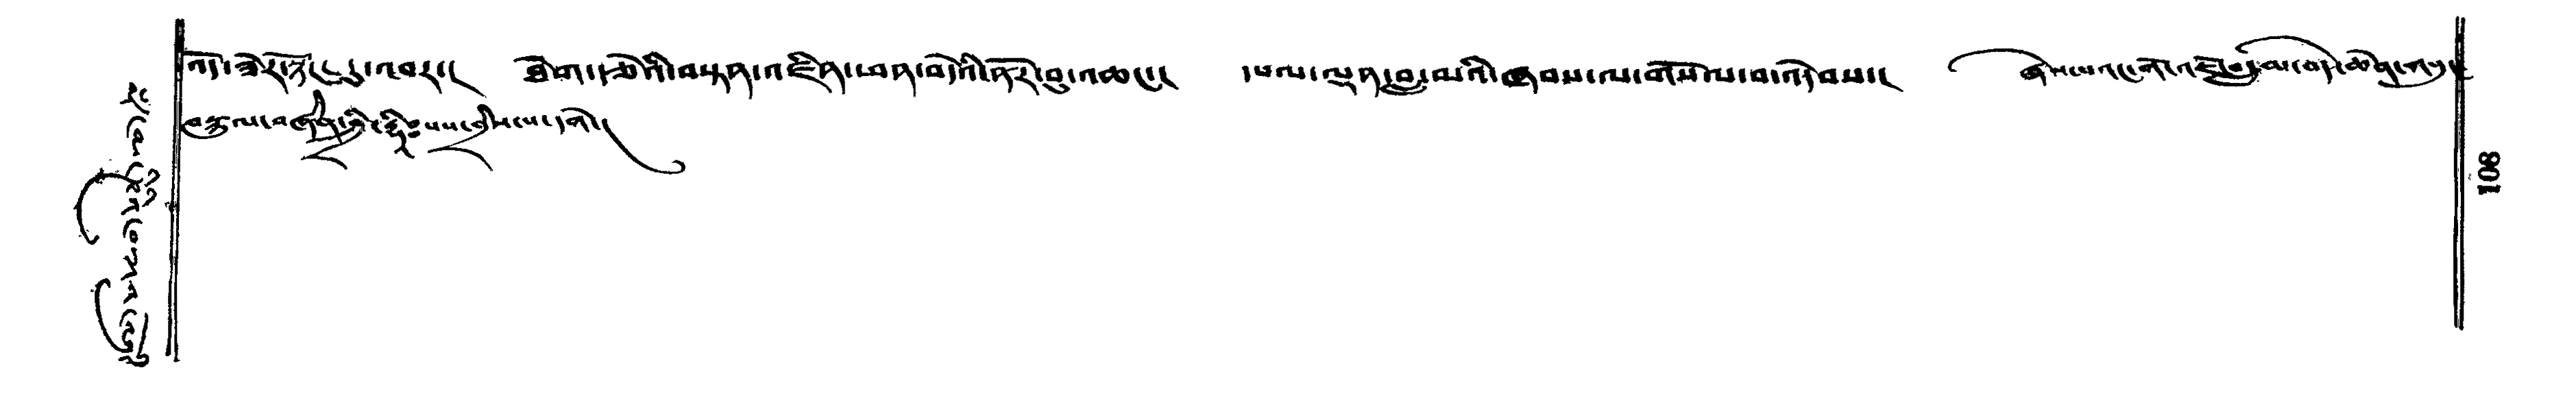འོད་ཟེར་སྟོང་དུ་འབར། །ཐེག་རྩེའི་བསྟན་འཛིན་ཕན་བདེའི་ནོར་བུ་འཆང་། །དཔལ་ལྡན་བླ་མའི་ཞབས་ལ་གསོལ་བ་འདེབས། ཞེས་པའང་གོ་འཇོ་བླ་མ་བདེ་ཆེན་གྱིས་གསུང་
བསྐུལ་བཞིན་ཤྲི་དྷཱིཿཔས་བྲིས་པ་དགེ བཀྲ་ཤིས།།